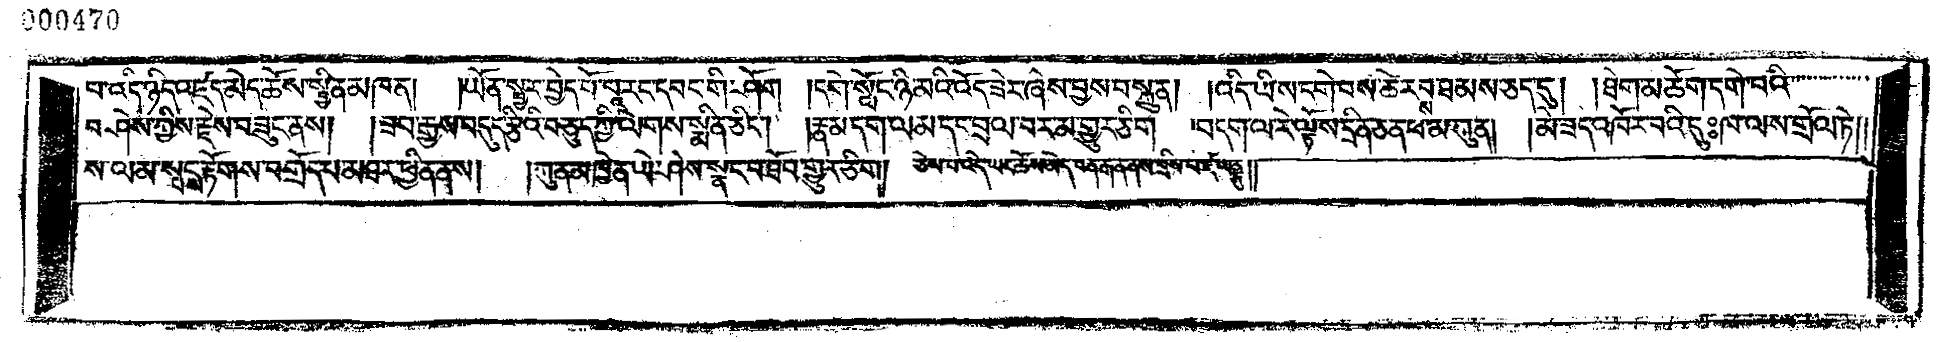པ་འདི་ཉིད་འཛད་མེད་ཆོས་སྦྱིན་མཁན། །ཡོན་སྦྱར་བྱེད་པོ་པཱ་རང་དབང་གི་ཤོག །དགེ་སློང་ཉི་མའི་འོད་ཟེར་ཞེས་བྱས་བསྐྲུན། །འདི་ཡིས་དགེ་བས་ཚེ་རབས་ཐམས་ཅད་དུ། །ཐེག་མཆོག་དགེ་བའི་
བཤེས་ཀྱིས་རྗེས་བཟུང་ནས། །ཟབ་རྒྱས་བདུད་རྩིའི་བཅུད་ཀྱི་ལེགས་སྨིན་ཅིང་། །རྣམ་དག་ལམ་དང་བྲལ་བར་མ་གྱུར་ཅིག །བདག་ལ་རེ་ལྟོས་དྲིན་ཅན་ཕ་མ་ཀུན། །མི་ཟད་འཁོར་བའི་དུཿ ཁ་ལས་གྲོལ་ཏེ། །
ས་ལམ་སྤངས་རྟོགས་བགྲོད་པ་མཐར་ཕྱིན་ནས། །ཀུན་མཁྱེན་ཡེ་ཤེས་སྣང་བ་ཐོབ་གྱུར་ཅིག ། ཅེས་པ་འདི་ཡང་ཆོས་མེད་བན་རྒན་ནས་བྲིས་པ་ཛ་ཡནྟུ།།